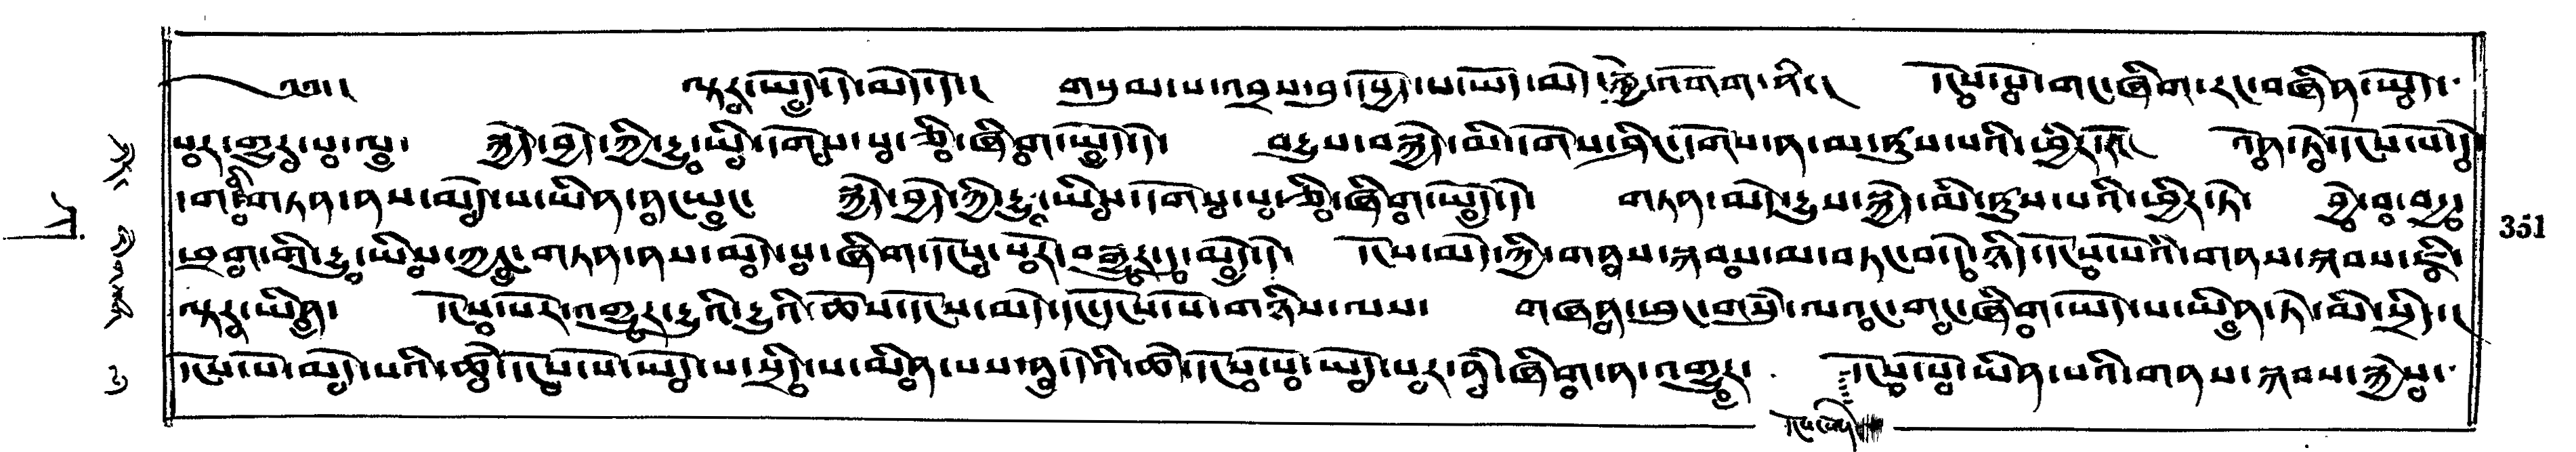ལྟར་ཡོད་དེ་མེད་དོ།། གསུམ་པ་འབྲས་བུ་ལ་དཔྱོད་པ་ཡོད་མེད་སྐྱེ་འགོག་ནི། དངོས་པོ་གང་ཞིག་རང་བཞིན་ཡོད་
པར་གྱུར་པ་ལ། སྐྱེད་བྱེད་ཀྱི་རྒྱུ་ཡི་དགོས་པ་ཅི་ཞིག་ཡོད་དེ། རྒྱུས་བསྐྱེད་མི་དགོས་ཤིང་དགོས་ན་མ་ནུས་པའི་ཕྱིར་རོ།། འོན་ཏེ་དངོས་པོ་དེ་
དག་ནི་གཏན་ནས་མེད་པ་ཡིན་ན་ཡང་སྐྱེད་བྱེད་ཀྱི་རྒྱུ་ཡིས་དགོས་པ་ཅི་ཞིག་ཡོད་དེ། གཏན་མེད་རྒྱུས་སྐྱེད་མི་ནུས་པའི་ཕྱིར་ཏེ། བྱེ་བ་བརྒྱ་
ཕྲག་གི་རྒྱུ་ཡིས་ཀྱང་གཏན་ནས་མེད་པ་ཞིག་དངོས་པོར་བསྒྱུར་དུ་མེད་དེ། དངོས་མེད་ཀྱི་གནས་སྐབས་མ་བཏང་བ་དེ་ཉིད་དངོས་པོའི་གནས་སྐབས་ཇི་
ལྟར་ཡིན། དངོས་པོར་འགྱུར་རྒྱུའི་རྒྱུའི་ཆོས་དངོས་མེད་དང་དངོས་པོ་གཉིས་ལས། གཞན་ཕུང་གསུམ་ལའང་གང་ཞིག་ཡོད་པ་ཡིན་ཏེ་མི་སྲིད། 
དངོས་པོ་མེད་པའི་ཚེ་དངོས་པོ་ཡོད་པ་སྲིད་པ་མིན་པས་ན་དེའི་ཚེ་དངོས་པོ་ཡོད་པར་ནམ་ཞིག་ན་འགྱུར། དངོས་པོ་དེ་དངོས་པོ་ཡིན་པའི་གནས་སྐབས་སྐྱེས་